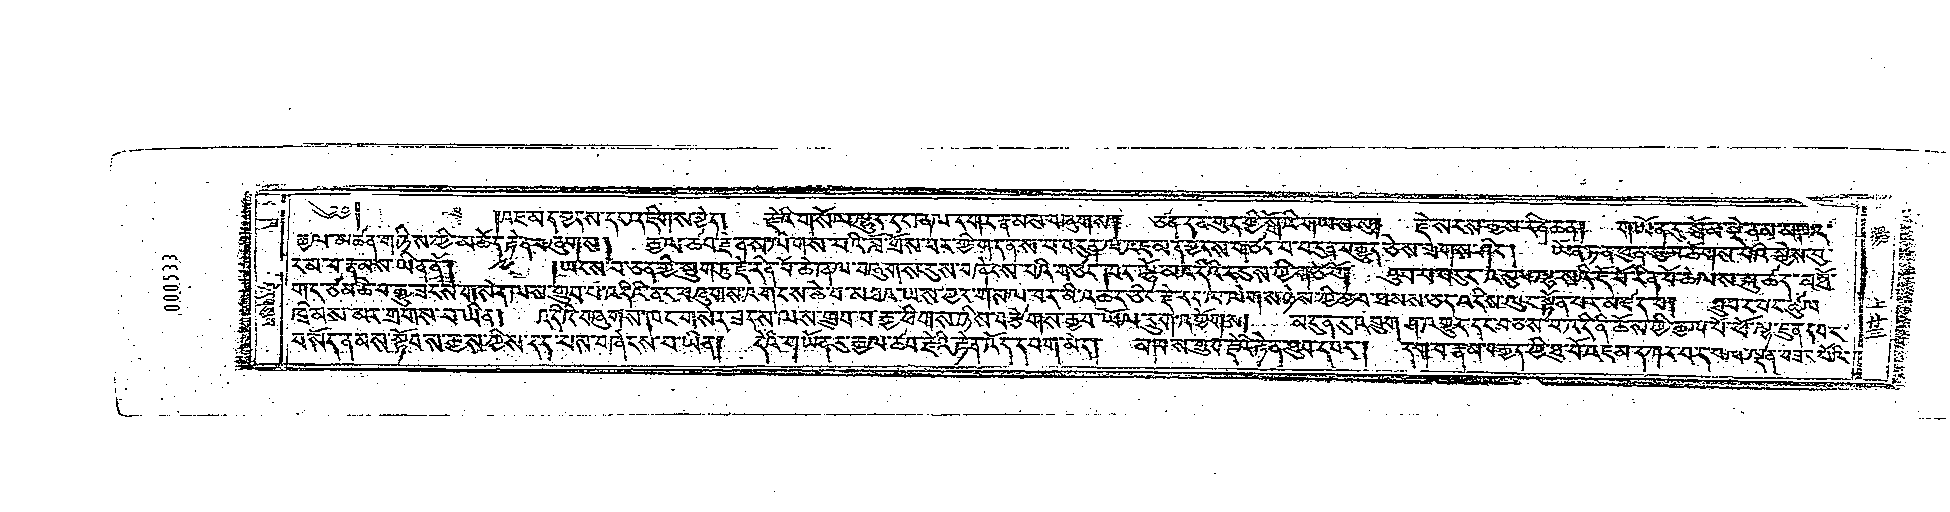༄༅། །འཇམ་དབྱངས་དང་འཇིགས་བྱེད། རྗེའི་གསོལ་ལྷུད་དང་ཞལ་དགར་རྣམས་བཞུགས། ཙན་དན་གུར་གྱི་སྒོའི་གཡས་སུ། རྗེ་སངས་རྒྱས་རིན་ཆེན། གཡོན་དུ་སྒོམ་སྡེ་ནམ་མཁའ་
རྒྱལ་མཚན་གཉིས་ཀྱི་མཆོད་རྟེན་བཞུགས། རྒྱལ་ཚབ་རྗེ་ནས་ལེགས་པའི་བློ་གྲོས་བར་གྱི་གདན་ས་པ་བདུན་ལ་འཇམ་དབྱངས་གཙང་པ་བདུན་བརྒྱུད་ཅེས་གྲགས་ཤིང་། ཡོན་ཏན་ཕུན་སུམ་ཚོགས་པའི་སྐྱེས་བུ་
དམ་བ་རྣམས་ཡིན་ནོ། ༧་།ཡངས་པ་ཅན་གྱི་སྤུག་ཏུ་རྗེ་རིན་པོ་ཆེ་ཞལ་བཞུགས་དུས་བཞེངས་པའི་གཙང་ཁང་ལྷོ་མ་འདིའི་དབུས་ཀྱི་གཙོ་བོ། ཤུ་བ་པ་བདུད་འདུལ་ལྷ་སའི་ཇོ་བོ་རིན་པོ་ཆེ་ལས་སྐུ་ཚད་མཐོ་
གང་ཙམ་ཆེ་བ་རྒྱུ་ཟངས་གསེར་ལས་གྲུབ་པ་འདིའི་ནང་བཞུགས་འགངས་ཆེ་བ་མཐའ་ཡས་ཀྱང་གསལ་བར་མི་འཆད་ཅིང་རྗེ་རང་ལ་ལེགས་ཉེས་ཀྱི་བྱ་བ་ཐམས་ཅད་འདིས་ལུང་སྟོན་པར་མཛད་པ། ཐུབ་དབང་ཚུལ་
ཁྲིམས་མར་གྲགས་པ་ཡིན། འདིའི་བཞུགས་ཁང་གསེར་ཟངས་ལས་གྲུབ་པ་རྒྱ་ཕིགས་ཉིས་བརྩེགས་རྒྱབ་ཡོལ་དྲུག་འགྱོགས། མདུན་དུ་འབྲུག་ཤ་འགྱུར་དང་བཅས་པ་འདི་ནི་ཆོས་ཀྱི་རྒྱལ་པོ་ཕོ་ལྟ་ཇུན་དབང་
བསོད་ནམས་སྟོབས་རྒྱས་ཀྱིས་དད་པས་བཞེངས་བ་ཡིན། དེའི་གཡོན་དུ་རྒྱལ་ཚབ་རྗེའི་རྟེན་འོད་དཔག་མེད། མཁས་གྲུ་བ་རྗེའི་རྟེན་ཐུབ་དབང་། དག་པ་རྣམ་བརྒྱད་ཀྱི་ཐུ་བོ་འཇམ་དཀར་བ་དཔལ་ལྡན་བཟང་པོའི་